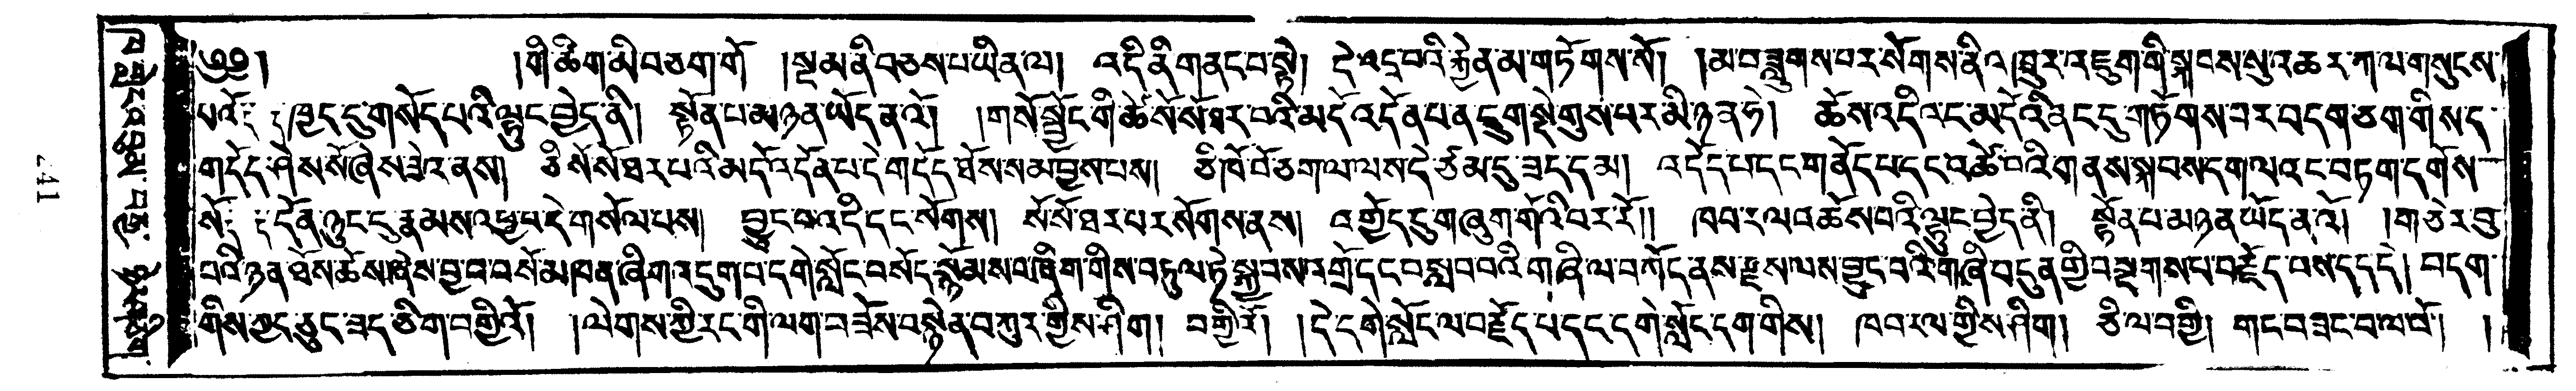༄༅། །གི་ཚིག་མི་བཅག་གོ །སྔ་མ་ནི་བཅས་པ་ཡིན་ལ། འདི་ནི་གནང་བ་སྟེ། དེ་འདྲ་བའི་རྐྱེན་མ་གཏོགས་སོ། །མ་བཟླུགས་པར་སོགས་ནི་འཁྲུར་འཇུག་གི་སྐབས་སུ་འཆར་ཀ་ལ་གསུངས་
པའོ༑ ༑ཁྱད་དུ་གསོད་པའི་ལྟུང་བྱེད་ནི། སྟོན་པ་མཉན་ཡོད་ནའོ། །གསོ་སྦྱོང་གི་ཚེ་སོ་སོ་ཐར་བའི་མདོ་འདོན་པ་ན་དྲུག་སྡེ་གུས་པར་མི་ཉན་ཏེ། ཆོས་འདིའང་མདོའི་ནང་དུ་གཏོགས་པར་བདག་ཅག་གིས་ད་
གདོད་ཤེས་སོ་ཞེས་ཟེར་ནས། ཅི་སོ་སོ་ཐར་པའི་མདོ་འདོན་པ་དེ་གདོད་ཐོས་སམ་བྱས་པས། ཅི་ཁོ་བོ་ཅག་ལ་ལས་དེ་ཙམ་དུ་ཟད་དམ། འདོད་པ་དང་གནོད་པ་དང་འཚེ་བའི་གནས་སྐབས་དག་ལའང་བཏག་དགོས་
སོ༑ ༑དོན་ཉུང་དུ་རྣམས་འཕྱ་བ་དེ་གསོལ་པས། བྱུང་བ་འདི་དང་སོགས། སོ་སོ་ཐར་པར་སོགས་ནས། འགྱོད་དུ་གཞུག་གོའི་བར་རོ།། ཁབ་རལ་འཆོས་པའི་ལྟུང་བྱེད་ནི། སྟོན་པ་མཉན་ཡོད་ནའོ། །གཅེར་བུ་
བའི་ཉན་ཐོས་ཆོས་ཞེས་བྱ་བ་བསོ་མཁན་ཞིག་འདུག་པ་དགེ་སློང་བསོད་སྙོམས་བ་ཞིག་གིས་བཏུལ་ཏེ་སྐྱབས་འགྲོ་དང་བསླབ་པའི་གཞི་ལ་བཀོད་ནས་རྫས་ལས་བྱུང་བའི་གཞི་བདུན་གྱི་བསྔགས་པ་བརྗོད་པས་དད་དེ། བདག་
གིས་ཀྱང་ཅུང་ཟད་ཅིག་བགྱིའོ། །ལེགས་ཀྱི་རང་གི་ལག་བཟོས་བསྙེན་བཀུར་གྱིས་ཤིག །བགྱིའོ། །དེ་དགེ་སློང་ལ་བརྗོད་པ་དང་དགེ་སློང་དག་གིས། ཁབ་རལ་གྱིས་ཤིག། ཅི་ལ་བགྱི། གང་བཟང་བ་ལ་བོ། །